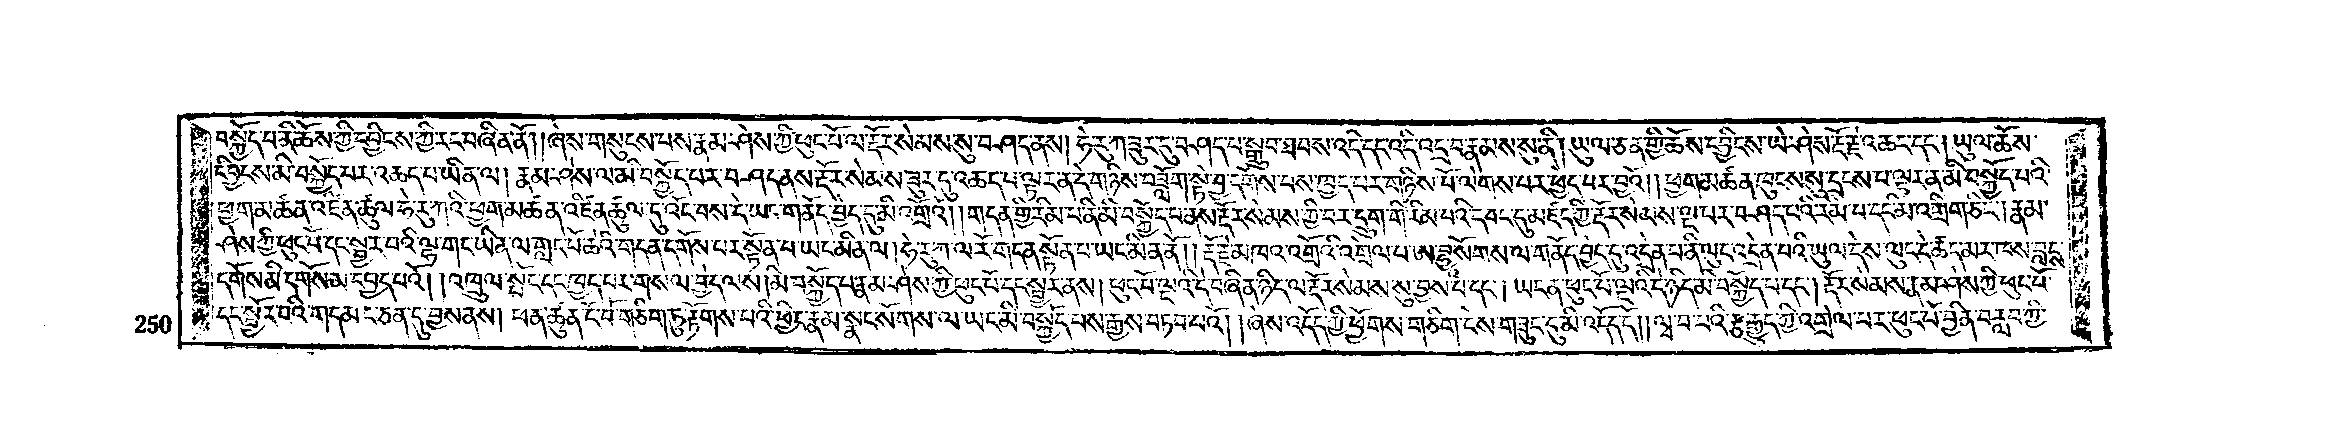བསྐྱོད་པ་ནི་ཆོས་ཀྱི་དབྱིངས་ཀྱི་རང་བཞིན་ནོ། །ཞེས་།ཕྱག་མཚན་ཁུངས་སུ་དྲངས་པ་ལྟར་ན་མི་བསྐྱོད་པའིཕྱག་མཚན་འཛིན་ཚུལ་ཧེ་རུ་ཀའི་ཕྱག་མཚན་འཛིན་ཚུལ་དུ་འོང་བས་རྣམས་སུ་ནི། ཡུལ་ཅན་གྱི་ཆོས་དབྱིངས་ཡེ་ཤེས་རྡོ་རྗེ་འཆང་དང་། ཡུལ་ཆོས་
དབྱིངས་མི་བསྐྱོད་པར་འཆད་པ་ཡིན་ལ། རྣམ་ཤེས་ལ་མི་བསྐྱོད་པར་བཤད་ནས་རྡོར་སེམས་ཟུར་དུ་འཆད་པ་ལྟར་ན་དེ་གཉིས་བཟློག་སྟེ་བྱ་དགོས་པས་ཁྱད་པར་གཉིས་པོ་ལེགས་པར་ཕྱེད་པར་བྱའོ། །ཕྱག་མཚན་ཁུངས་སུ་དྲངས་པ་ལྟར་ན་མི་བསྐྱོད་པའི་
ཕྱག་མཚན་འཛིན་ཚུལ་ཧེ་རུ་ཀའི་ཕྱག་མཚན་འཛིན་ཚུལ་དུ་འོང་བས་དེ་ཡང་གནོད་བྱེད་དུ་མི་འགྲོའོ། །གདན་གྱི་རིམ་པ་ནི་མི་བསྐྱོད་པ་ནས་རྡོར་སེམས་ཀྱི་བར་དྲུག་གི་རིམ་པའི་དབང་དུ་མཛད་ཀྱི་རྡོར་སེམས་ལྔ་པར་བཤད་པའི་རིམ་པ་དང་མི་འགྲིག་ཅིང་། རྣམ་
ཤེས་ཀྱི་ཕུང་པོ་དང་སྦྱར་བའི་ལྷ་གང་ཡིན་ལ་གླང་པོ་ཆེའི་གདན་དགོས་པར་སྟོན་པ་ཡང་མིན་ལ། ཧེ་རུ་ཀ་ལ་རོ་གདན་སྟོན་པ་ཡང་མིན་ནོ། །རྡོ་རྗེ་མཁའ་འགྲོའི་འགྲེལ་པ་ཨ་བྷྱཱ་སོགས་ལ་གནོད་བྱེད་དུ་འདྲེན་པ་ནི་ལུང་འདྲེན་པའི་ཡུལ་དེས་ལུང་དེ་ཚད་མར་ཁས་བླངས་
དགོས་མི་དགོས་མ་དཔྱད་པའོ། །འཁྲུལ་སྤོང་དང་ཁྱད་པར་གསལ་བྱེད་ལས། མི་བསྐྱོད་པ་རྣམ་ཤེས་ཀྱི་ཕུང་པོ་དང་སྦྱར་ནས། ཕུང་པོ་ལྔའི་དེ་བཞིན་ཉིད་ལ་རྡོར་སེམས་སུ་བྱས་པ་དང་། ཡང་ན་ཕུང་པོ་ལྔའི་དེ་ཉིད་མི་བསྐྱོད་པ་དང་། རྡོར་སེམས་རྣམ་ཤེས་ཀྱི་ཕུང་པོ་
དང་སྦྱོར་བའི་གདམ་ང་ཅན་དུ་བྱས་ནས། ཕན་ཚུན་ངོ་བོ་གཅིག་ཏུ་རྟོགས་པའི་ཕྱིར་རྣམ་སྣང་སོགས་ལ་ཡང་མི་བསྐྱོད་པས་རྒྱས་བཏབ་པའོ། །ཞེས་འདོད་ཀྱི་ཕྱོགས་གཅིག་ངེས་གཟུང་དུ་མི་འདོད་དོ། །ལྭ་བ་པའི་རྩ་རྒྱུད་ཀྱི་འགྲེལ་པར་ཕུང་པོ་བྱིན་བརླབ་ཀྱི་